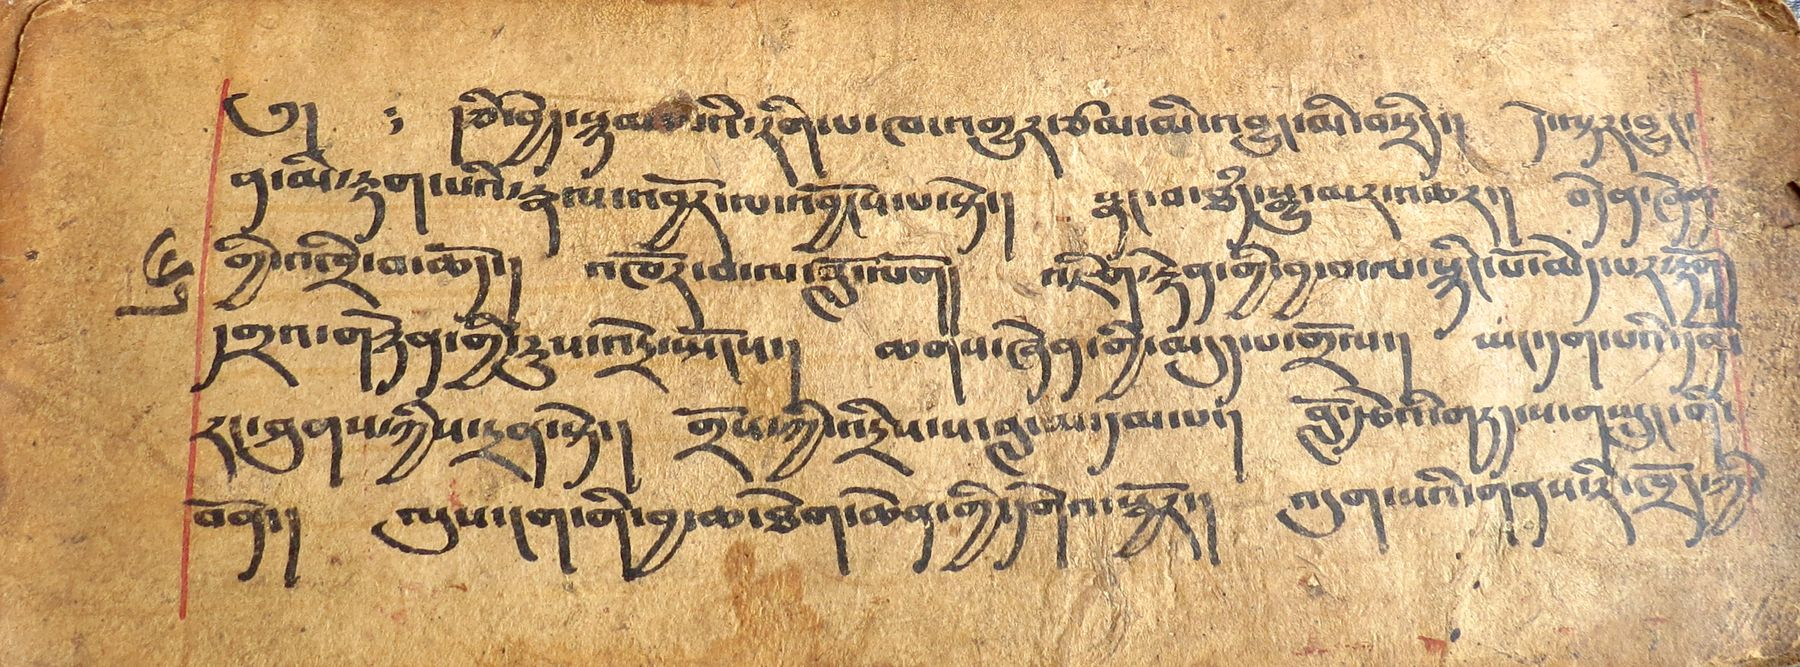ཅི་བྱེད་སྙམས་པའི་རིག་པ་ཁ་འགྱུར་ཙམ་མི་འབྱུང་མི་སྲིད་དོ། ། དེ་ལྟར་བྱུང་
ན་མི་རྟག་པའི་རྣལ་འབྱོར་ལ་འབྱོངས་པ་སྟེ། སྣང་བ་ཐམས་ཅད་སྒྱུ་མར་འཆར། བདེན་ཞེན་
གྱི་འཁྲི་བ་ཆོད། འཁོར་བ་ལ་བློ་ལྡོག འཇིག་རྟེན་གྱི་སྣང་བ་ལ་སྙིང་པོ་མེད་པར་རྟོགས། 
དགྲ་གཉེན་གྱི་རུ་འདྲེ་སྤོངས། ཆགས་ཞེན་གྱི་མདུད་པ་གྲོལ། ཡང་དག་པའི་དོན་
རང་ཤུགས་ཀྱིས་དྲན་ཏེ། གྲོས་ཀྱི་འདྲི་ས་བླ་མ་དམ་པ། བློ་རྩེ་གཏད་ས་གཡུང་དྲུང་གི་
བོན། ལུས་ངག་གི་བྱ་རྒྱུ་ཐེག་ཆེན་གྱི་དགེ་སྦྱོར། འདུག་པའི་གནས་རི་ཁྲོད་ཀྱི་